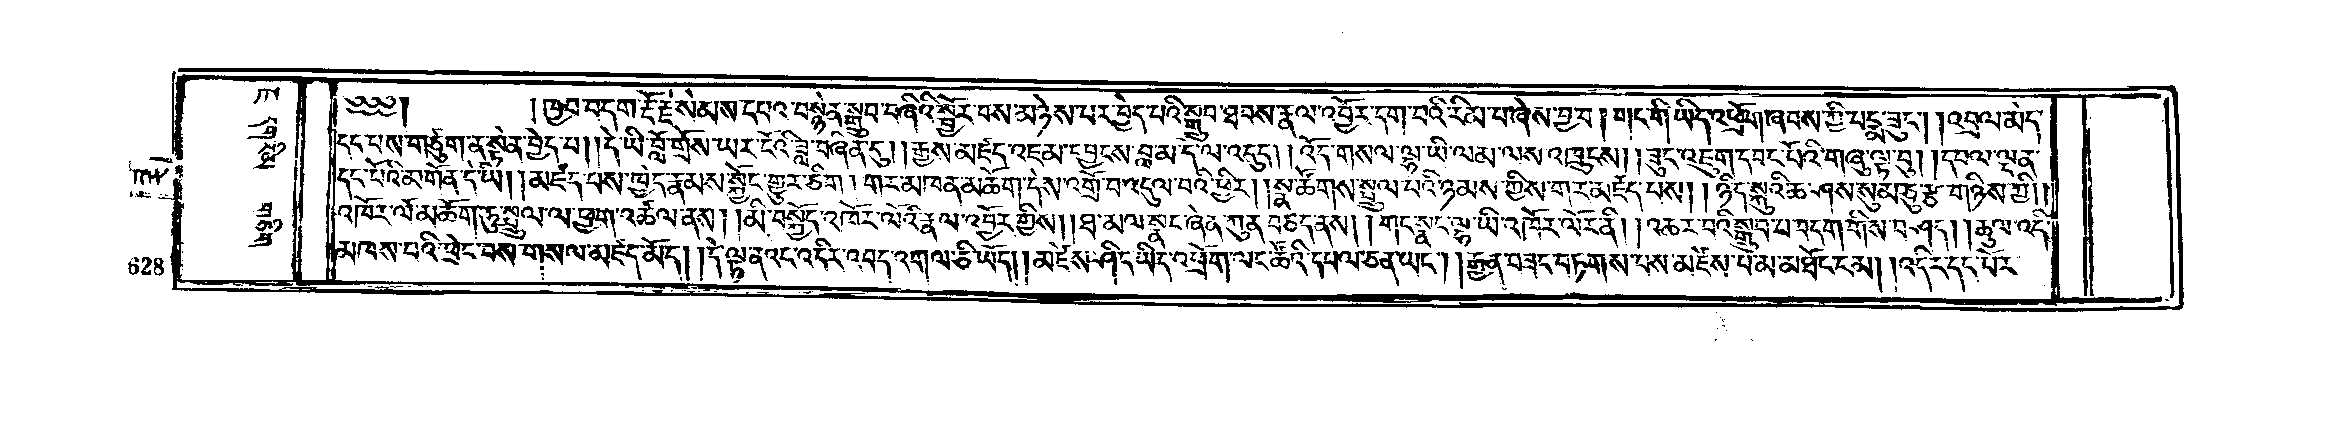༄༅། །ཁྱབ་བདག་རྡོ་རྗེ་སེམས་དཔའ་བསྙེན་སྒྲུབ་བཞིའི་སྦྱོར་བས་མཉེས་པར་བྱེད་པའི་སྒྲུབ་ཐབས་རྣལ་འབྱོར་དག་པའི་རིམ་པ་ཞོས་བྱ་བ། གང་གི་ཡིད་འཕྲོག་ཞབས་ཀྱི་པདམ་ཟུང་། །འབྲལ་མེད་
དང་པས་གཙུག་ན་སྟེན་བྱེད་པ། །དེ་ཡི་བློ་གྲོས་ཡར་ངོའི་ཟླ་བཞིན་དུ། །རྒྱས་མཛད་འཇམ་དབྱངས་བླ་མ་དེ་ལ་འདུད། །འོད་གསལ་ལྷ་ཡི་ལམ་ལས་འཁྲུངས། །ཟུང་འཇུག་དབང་པོའི་གཞུ་ལྟ་བུ། །དཔལ་ལྡན་
དང་པོའི་མགོན་དེ་ཡི། །མཛད་པས་ཁྱེད་རྣམས་སྐྱོང་གྱུར་ཅིག །གར་མཁན་མཆོག་དེས་འགྲོ་བ་འདུལ་བའི་ཕྱིར། །སྣ་ཚོགས་སྤྲུལ་པའི་ཉམས་ཀྱིས་གར་མཛད་པས། །ཉིད་སྐུའི་ཆ་ཤས་སུམ་ཅུ་རྩ་གཉིས་ཀྱི།།
འཁོར་ལོ་མཆོག་ཏུ་སྤྲུལ་ལ་ཕྱག་འཚལ་ནས། །མི་བསྐྱོད་འཁོར་ལོའི་རྣལ་འབྱོར་གྱིས། །ཐ་མལ་སྣང་ཞེན་ཀུན་བཅད་ནས། །གང་སྣང་ལྷ་ཡི་འཁོར་ལོར་ནི། །འཆར་བའི་སྒྲུབ་པ་བདག་གིས་བཤད། །ཚུལ་འདི་
མཁས་པའི་ཕྲེང་བས་གསལ་མཛད་མོད། །དེ་ལྟ་ནའང་འདིར་འབད་འགལ་ཅི་ཡོད། །མཛེས་ཤིང་ཡིད་འཕྲོག་ལང་ཚོའི་དཔལ་ཅན་ཡང་། །རྒྱན་བཟང་བཏགས་པས་མཛེས་པ་མ་མཐོང་ངམ། །འདིར་དང་པོར་